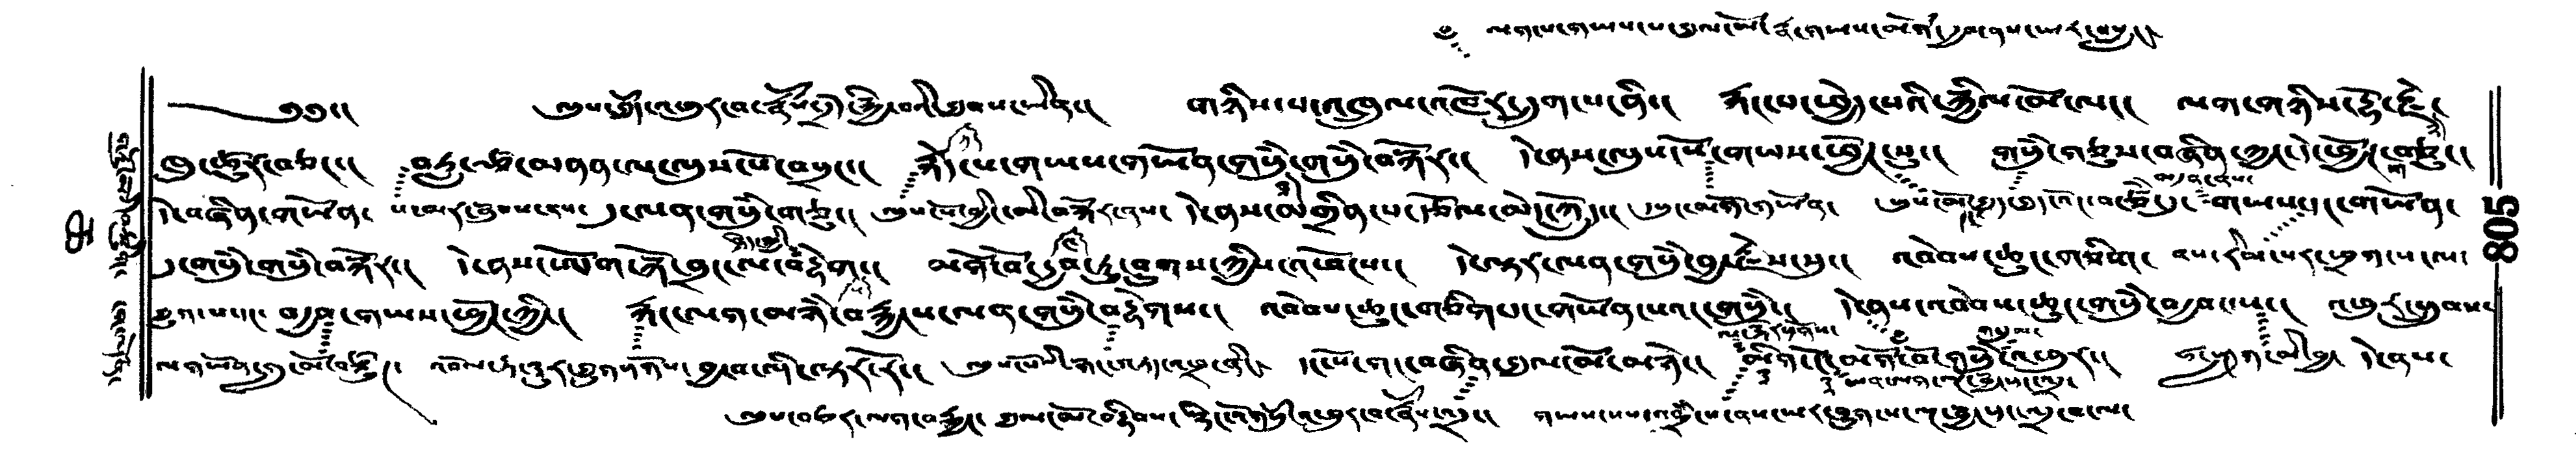ལུས་ཐམས་ཆད་འཕུར་བ་རྣམས་དྲོད་སྐྱེ་བའི་ཐབས་ཡིན། གཉིས་པ་འཁྲུལ་འཁོར་དྲུག་པ་ནི། །རྐང་པ་ཕྱེད་པའི་སྐྱིལ་མོ་ལ། །ལག་གཉིས་རྡོ་རྗེ་
ཁུ་ཚུར་བཅང་། །བརླ་རྩ་མནན་ལ་ལུས་པོ་བསྲང་། །རྐེད་པ་གཡས་གཡོན་གསུམ་གསུམ་བསྐོར། །དེ་ནས་ལུས་པོ་གཡས་ཕྱོགས་སུ། །གསུམ་གཅུས་བཞིན་ཀྱང་དེ་ཕྱོགས་ག་གཅུ། །
དེ་བཞིན་གཡོན་དུ་ལན་གསུམ་གཅུ། །དེ་ནས་མགྲིན་པ་རྩོལ་མེད་གློད། །གཡས་དང་གཡོན་
དུ་གསུམ་གསུམ་བསྐོར། །དེ་ནས་ཨོལ་སྐོ་བྲང་ལ་བརྡེག །མགོ་བོ་རྒྱབ་ཏུ་ཤུགས་ཀྱིས་འཕོངས། །དེ་ལྟར་ལན་གསུམ་བྱས་རྗེས་སུ། །འབེབས་ཆུང་གཅིག་
བརྒྱབ་གཡས་ཕྱོགས་ཀྱི། །རྐང་ལག་མཉམ་བརྐྱངས་ལན་གསུམ་བརྡེག །འབེབས་ཆུང་གཅིག་དང་གཡོན་པའང་གསུམ། །དེ་ནས་འབེབས་ཆུང་གསུམ་བརྒྱབ་པ། །འཕུར་སྲུབས་
བྱ་བ་འདི་ལྟར་རོ། །དང་པོ་གོང་བཞིན་ཐལ་མོ་མཉེ། །མིག་ངོ་མགོ་བོ་གསུམ་གསུམ་འཕུར།